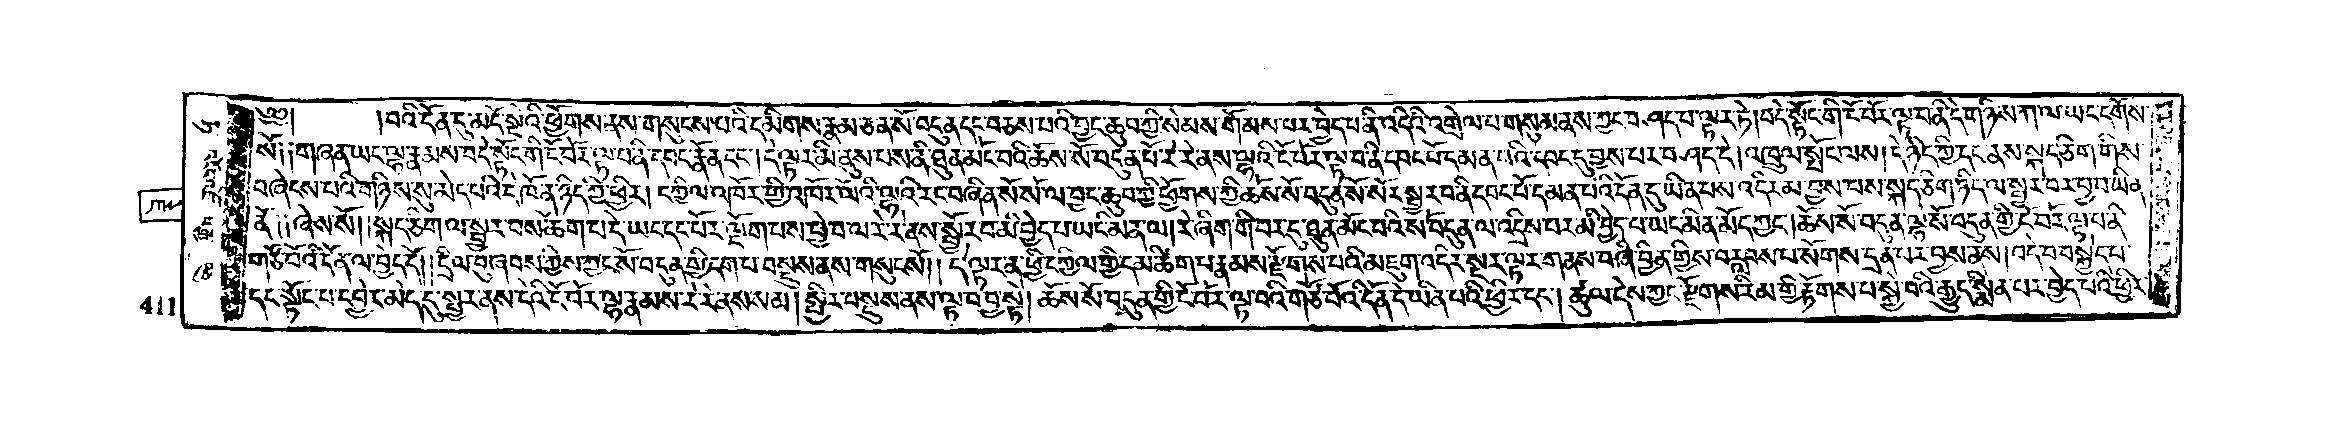༄༅། །བའི་དོན་དུ་མདོ་སྡེའི་ཕྱོགས་ནས་གསུངས་པའི་དམིགས་རྣམ་ཅན་སོ་བདུན་དང་བཅས་པའི་བྱང་ཆུབ་ཀྱི་སེམས་གོམས་པར་བྱེད་པ་ནི་འདིའི་འགྲེལ་པ་གསུམ་ནས་ཀྱང་བཤད་པ་ལྟར་ཏེ། བདེ་སྟོང་གི་ངོ་བོར་ལྟ་བ་ནི་དེ་གཉིས་ཀ་ལ་ཡང་དགོས་
སོ། །གཞན་ཡང་ལྷ་རྣམས་བདེ་སྟོང་གི་ངོ་བོར་ལྟ་བ་ནི་དབང་རྣོན་དང་། དེ་ལྟར་མི་ནུས་པས་ནི་ཐུན་མོང་བའི་ཆོས་སོ་བདུན་པོ་རེ་རེ་ནས་ལྷའི་ངོ་བོར་ལྟ་བ་ནི་དབང་པོ་དམན་པའི་དབང་དུ་བྱས་པར་བཤད་དེ། འཁྲུལ་སྤོང་ལས། དེ་ཉིད་ཀྱི་ངང་ནས་སྐད་ཅིག་གིས་
བཞེངས་པའི་གཉིས་སུ་མེད་པའི་དེ་ཁོ་ན་ཉིད་ཀྱི་ཕྱིར། དཀྱིལ་འཁོར་གྱི་འཁོར་ལོའི་ལྷའི་རང་བཞིན་སོ་སོ་ལ་བྱང་ཆུབ་ཀྱི་ཕྱོགས་ཀྱི་ཆོས་སོ་བདུན་སོ་སོར་སྦྱར་བ་ནི་དབང་པོ་དམན་པའི་དོན་དུ་ཡིན་པས་འདིར་མ་བྱས་པས་སྐད་ཅིག་ཉིད་ལ་སྦྱར་བར་བྱ་བ་ཡིན་
ནོ། །ཞེས་སོ། །སྐད་ཅིག་ལ་སྦྱར་བས་ཆོག་པ་དེ་ཡང་དང་པོར་ལྡོག་པས་བྱེ་བ་ལ་རེ་རེ་ནས་སྦྱོར་བ་མི་བྱེད་པ་ཡང་མིན་ལ། རེ་ཞིག་གི་བར་དུ་ཐུན་མོང་བའི་སོ་བདུན་ལ་འདྲིས་པར་མི་བྱེད་པ་ཡང་མིན་མོད་ཀྱང་། ཆོས་སོ་བདུན་ལྷ་སོ་བདུན་གྱི་ངོ་བོར་ལྟ་བ་ནི་
གཙོ་བོའི་དོན་ལ་བྱེད་དོ། །དྲིལ་བུ་ཞབས་ཀྱིས་ཀྱང་སོ་བདུན་གྱི་དག་པ་བསྡུས་ནས་གསུངས་སོ། །དེ་ལྟར་ན་ཕྱི་དཀྱིལ་གྱི་དམ་ཚིག་པ་རྣམས་རྫོགས་པའི་མཇུག་འདིར་སྔར་ལྟར་གནས་བཞི་བྱིན་གྱིས་བརླབས་པ་སོགས་དྲན་པར་བྱས་ནས། བདེ་བ་བསྐྱེད་པ་
དང་སྟོང་པ་དབྱེར་མེད་དུ་སྦྱར་ནས་དེའི་ངོ་བོར་ལྷ་རྣམས་རེ་རེ་ནས་སམ། སྤྱིར་བསྡུས་ནས་ལྟ་བ་བྱ་སྟེ། ཆོས་སོ་བདུན་གྱི་ངོ་བོར་ལྟ་བའི་གཙོ་བོའི་དོན་དེ་ཡིན་པའི་ཕྱིར་དང་། ཚུལ་དེས་ཀྱང་རྫོགས་རིམ་གྱི་རྟོགས་པ་སྐྱེ་བའི་རྒྱུད་སྨིན་པར་བྱེད་པའི་ཕྱིར་